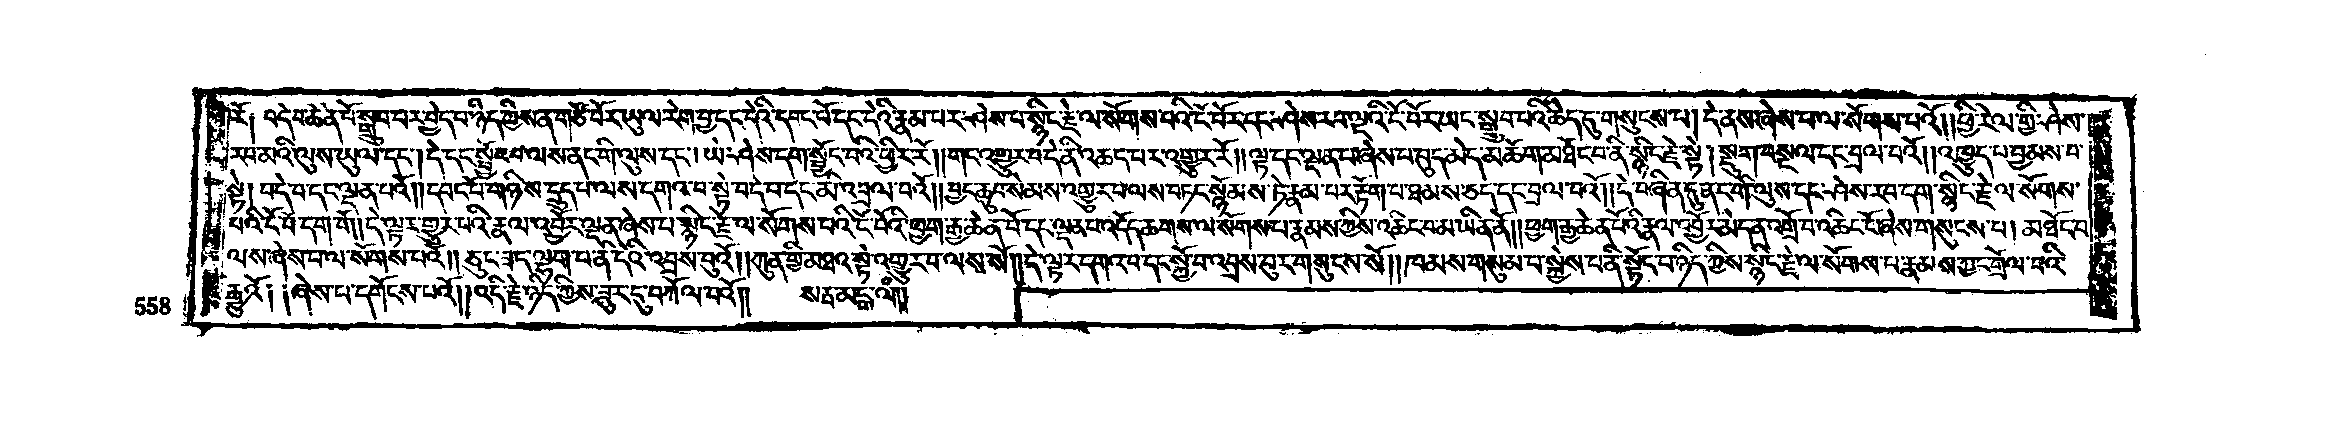རོ། བདེ་བ་ཆེན་པོ་སྒྲུབ་པར་བྱེད་པ་ཉིད་ཀྱིས་ན་གཙོ་བོར་ཡུལ་རེག་བྱ་དང་དེའི་དབང་པོ་དང་དེའི་རྣམ་པར་ཤེས་པ་སྙིང་རྗེ་ལ་སོགས་པའི་ངོ་བོར་དང་ཤེས་རབ་ལྔའི་ངོ་བོར་ཡང་སྒྲུབ་པའི་ཆེད་དུ་གསུངས་པ། དེ་ནས་ཞེས་པ་ལ་སོགས་པའོ། །ཕྱི་རོལ་གྱི་ཤེས་
རབ་མའི་ལུས་ཡུལ་དང་། དེ་དང་སྦྱོང་བ་ལས་ནང་གི་ལུས་དང་། ཡེ་ཤེས་དག་སྦྱོང་བའི་ཕྱིར་རོ། །གང་འགྱུར་བ་དེ་ནི་འཆད་པར་འགྱུར་རོ། །ལྟ་དང་ལྡན་པ་ཞེས་པ་བུད་མེད་མཆོག་མཐོང་བ་ནི་སྙིང་རྗེ་སྟེ། སྡུག་བསྔལ་དང་བྲལ་བའོ། །འཁྱུད་པ་བྱམས་པ་
སྟེ། བདེ་བ་དང་ལྡན་པའོ། །དབང་པོ་གཉིས་དྲུད་པ་ལས་དགའ་བ་སྟེ་བདེ་བ་དང་མི་འབྲལ་བའོ། །བྱང་ཆུབ་སེམས་འགྱུར་བ་ལས་བཏང་སྙོམས་ཏེ་རྣམ་པར་རྟོག་པ་ཐམས་ཅད་དང་བྲལ་བའོ། །དེ་བཞིན་དུ་ནང་གི་ལུས་དང་ཤེས་རབ་དག་སྙིང་རྗེ་ལ་སོགས་
པའི་ངོ་བོ་དག་གོ །དེ་ལྟར་གྱུར་པའི་རྣལ་འབྱོར་ལྡན་ཞེས་པ་སྙིང་རྗེ་ལ་སོགས་པའི་ངོ་བོའི་ཕྱག་རྒྱ་ཆེན་པོ་དང་ལྡན་པ་འདོད་ཆགས་ལ་སོགས་པ་རྣམས་ཀྱིས་འཆིང་བ་མ་ཡིན་ནོ། །ཕྱག་རྒྱ་ཆེན་པོའི་རྣལ་འབྱོར་མེད་ན་འགྲོ་བ་འཆིང་ངོ་ཞེས་གསུངས་པ། མཐོང་བ་
ལས་ཞེས་པ་ལ་སོགས་པའོ། །ཅུང་ཟད་ལྷག་པ་ནི་དེའི་འབྲས་བུའོ། །ཀུན་གྱི་མཐའ་སྟེ་འགྱུར་བ་ལས་སོ། །དེ་ལྟར་དགའ་བ་དང་སྐྱོ་བ་འབྲས་བུར་གསུངས་སོ། །ཁམས་གསུམ་པ་སྐྱེས་པ་ནི་སྟོང་པ་ཉིད་ཀྱིས་སྙིང་རྗེ་ལ་སོགས་པ་རྣམས་ཀྱང་གྲོལ་བའི་
རྒྱུའོ། །ཞེས་པ་དགོངས་པའོ། །འདི་རྗེ་ཉིད་ཀྱིས་ཟུར་དུ་བཀོལ་བའོ།། སརྦ་མངྒ་ལཾ།།